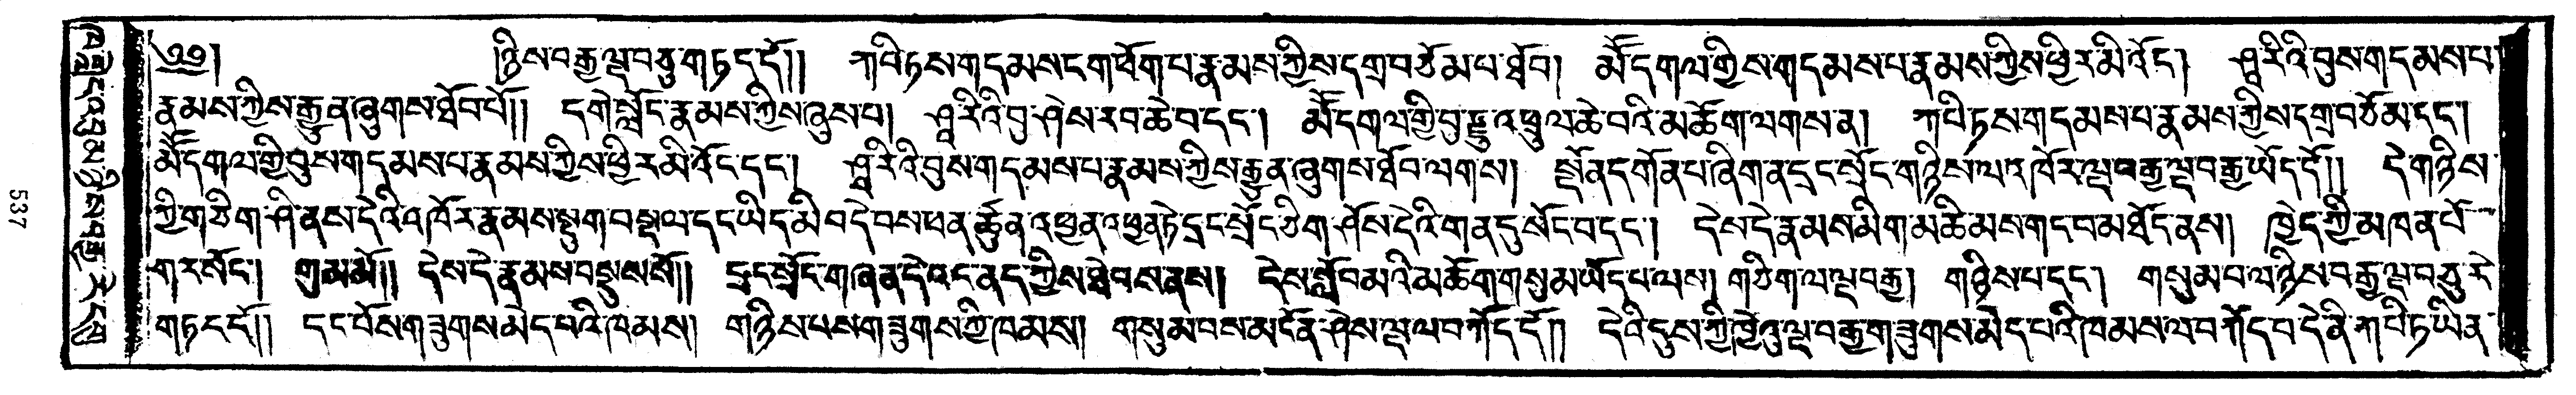༄༅། །ཉིས་བརྒྱ་ལྔ་བཅུ་གཏད་དོ།། ཀ་བི་ཏས་གདམས་ངག་ཕོག་པ་རྣམས་ཀྱིས་དགྲ་བཅོམ་པ་ཐོབ། མཽ་དགལ་གྱིས་གདམས་པ་རྣམས་ཀྱིས་ཕྱིར་མི་འོང་། ཤཱ་རིའི་བུས་གདམས་པ་
རྣམས་ཀྱིས་རྒྱུན་ཞུགས་ཐོབ་པོ།། དགེ་སློང་རྣམས་ཀྱིས་ཞུས་པ། ཤཱ་རིའི་བུ་ཤེས་རབ་ཆེ་བ་དང་། མཽ་དགལ་གྱི་བུ་རྫུ་འཕྲུལ་ཆེ་བའི་མཆོག་ལགས་ན། ཀ་པི་ཏས་གདམས་པ་རྣམས་ཀྱིས་དགྲ་བཅོམ་དང་།
མཽ་དགལ་གྱི་བུས་གདམས་པ་རྣམས་ཀྱིས་ཕྱིར་མི་འོང་དང་། ཤཱ་རིའི་བུས་གདམས་པ་རྣམས་ཀྱིས་རྒྱུན་ཞུགས་ཐོབ་ལགས། སྔོན་དགོན་པ་ཞིག་ན་དྲང་སྲོང་གཉིས་ལ་འཁོར་ལྔ་བརྒྱ་ལྔ་བརྒྱ་ཡོད་དོ།། དེ་གཉིས་
ཀྱི་གཅིག་ཤི་ནས་དེའི་འཁོར་རྣམས་སྡུག་བསྔལ་དང་ཡིད་མི་བདེ་བས་ཕན་ཚུན་འཕྱན་འཕྱན་ཏེ་དྲང་སྲོང་ཅིག་ཤོས་དེའི་གན་དུ་སོང་བ་དང་། དེས་དེ་རྣམས་མིག་མཆི་མས་གང་བ་མཐོང་ནས། ཁྱེད་ཀྱི་མཁན་པོ་
གར་སོང་། གུམ་མོ།། དེས་དེ་རྣམས་བསྡུས་སོ།། དྲང་སྲོང་གཞན་དེའང་ནད་ཀྱིས་ཐེབས་ནས། དེས་སློབ་མའི་མཆོག་གསུམ་ཡོད་པ་ལས། གཅིག་ལ་ལྔ་བརྒྱ། གཉིས་པ་དང་། གསུམ་པ་ལ་ཉིས་བརྒྱ་ལྔ་བཅུ་རེ་
གཏང་ངོ།། དང་པོས་གཟུགས་མེད་པའི་ཁམས། གཉིས་པས་གཟུགས་ཀྱི་ཁམས། གསུམ་པས་མངོན་ཤེས་ལྔ་ལ་བཀོད་དོ།། དེའི་དུས་ཀྱི་ཁྱེའུ་ལྔ་བརྒྱ་གཟུགས་མེད་པའི་ཁམས་ལ་བཀོད་པ་དེ་ནི་ཀ་པི་ཏ་ཡིན་